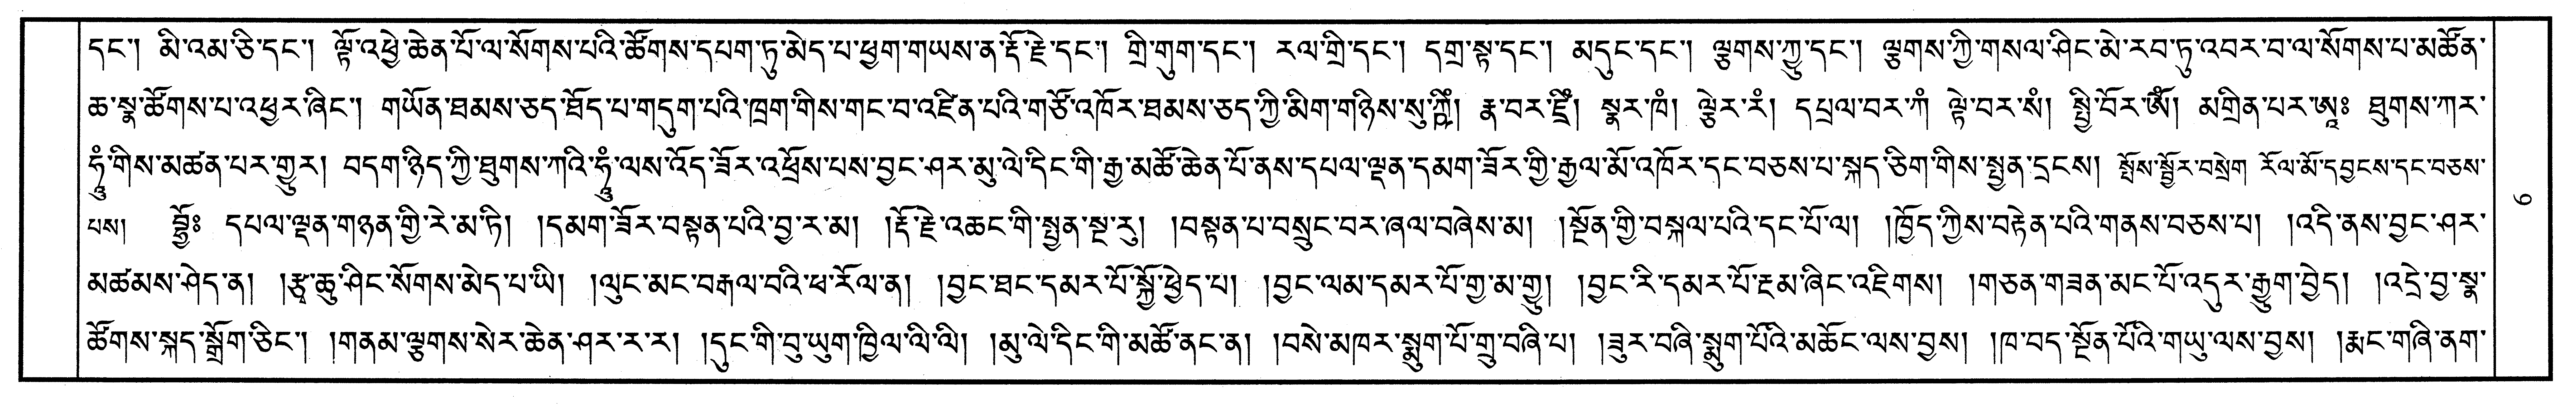དང་། མི་འམ་ཅི་དང་། ལྟོ་འཕྱེ་ཆེན་པོ་ལ་སོགས་པའི་ཚོགས་དཔག་ཏུ་མེད་པ་ཕྱག་གཡས་ན་རྡོ་རྗེ་དང་། གྲི་གུག་དང་། རལ་གྲི་དང་། དགྲ་སྟ་དང་། མདུང་དང་། ལྕགས་ཀྱུ་དང་། ལྕགས་ཀྱི་གསལ་ཤིང་མེ་རབ་ཏུ་འབར་བ་ལ་སོགས་པ་མཚོན་
ཆ་སྣ་ཚོགས་པ་འཕྱར་ཞིང་། གཡོན་ཐམས་ཅད་ཐོད་པ་གདུག་པའི་ཁྲག་གིས་གང་བ་འཛིན་པའི་གཙོ་འཁོར་ཐམས་ཅད་ཀྱི་མིག་གཉིས་སུ་ཀྵིཾ། རྣ་བར་ཛྲིཾ། སྣར་ཁཾ། ལྕེར་རཾ། དཔྲལ་བར་ཀཾ། ལྟེ་བར་སཾ། སྤྱི་བོར་ཨོཾ། མགྲིན་པར་ཨཱཿ ཐུགས་ཀར་
ཧཱུཾ་གིས་མཚན་པར་གྱུར། བདག་ཉིད་ཀྱི་ཐུགས་ཀའི་ཧཱུཾ་ལས་འོད་ཟེར་འཕྲོས་པས་བྱང་ཤར་མུ་ལེ་དིང་གི་རྒྱ་མཚོ་ཆེན་པོ་ནས་དཔལ་ལྡན་དམག་ཟོར་གྱི་རྒྱལ་མོ་འཁོར་དང་བཅས་པ་སྐད་ཅིག་གིས་སྤྱན་དྲངས། སྤོས་སྦྱོར་བསྲེག་རོལ་མོ་དབྱངས་དང་བཅས་
པས། བྷྱོཿ དཔལ་ལྡན་གཉན་གྱི་རེ་མ་ཏི། །དམག་ཟོར་བསྟན་པའི་བྱ་ར་མ། །རྡོ་རྗེ་འཆང་གི་སྤྱན་སྔ་རུ། །བསྟན་པ་བསྲུང་བར་ཞལ་བཞེས་མ། །སྔོན་གྱི་བསྐལ་པའི་དང་པོ་ལ། །ཁྱོད་ཀྱིས་བརྟེན་པའི་གནས་བཅས་པ། །འདི་ནས་བྱང་ཤར་
མཚམས་ཤེད་ན། །རྩྭ་ཆུ་ཤིང་སོགས་མེད་པ་ཡི། །ལུང་མང་བརྒལ་བའི་ཕ་རོལ་ན། །བྱང་ཐང་དམར་པོ་སྐྱོ་ཕྱེད་པ། །བྱང་ལམ་དམར་པོ་གྱ་མ་གྱུ། །བྱང་རི་དམར་པོ་རྔམ་ཞིང་འཇིགས། །གཅན་གཟན་མང་པོ་འདུར་རྒྱུག་བྱེད། །འདྲེ་བྱ་སྣ་
ཚོགས་སྐད་སྒྲོག་ཅིང་། །གནམ་ལྕགས་སེར་ཆེན་ཤར་ར་ར། །དུང་གི་བུ་ཡུག་ཁྱིལ་ལི་ལི། །མུ་ལེ་དིང་གི་མཚོ་ནང་ན། །བསེ་མཁར་སྨུག་པོ་གྲུ་བཞི་པ། །ཟུར་བཞི་སྨུག་པོའི་མཆོང་ལས་བྱས། །ཁ་བད་སྔོན་པོའི་གཡུ་ལས་བྱས། །རྨང་གཞི་ནག་